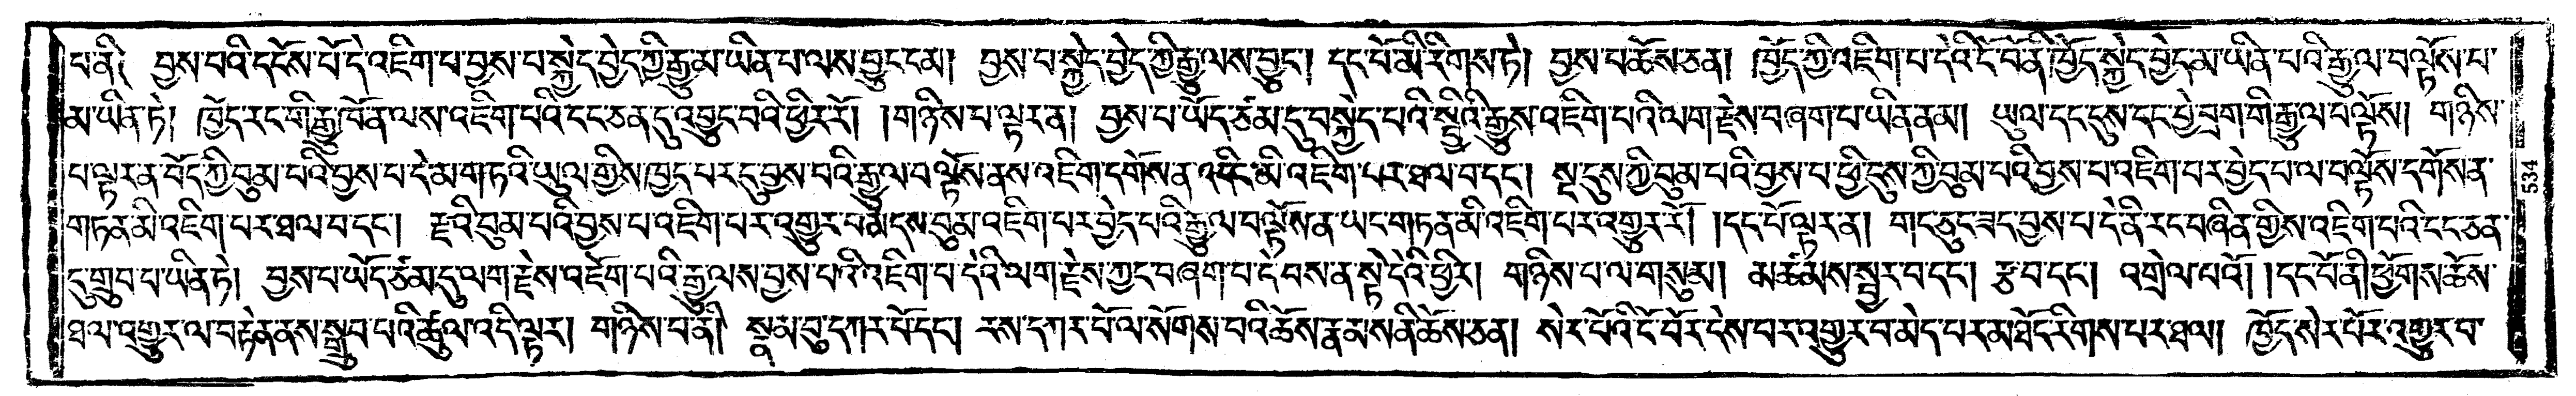པ་ནི། བྱས་པའི་དངོས་པོ་དེ་འཇིག་པ་བྱས་པ་སྐྱེད་བྱེད་ཀྱི་རྒྱུ་མ་ཡིན་པ་ལས་བྱུང་ངམ། བྱས་པ་སྐྱེད་བྱེད་ཀྱི་རྒྱུ་ལས་བྱུང་། དང་པོ་མི་རིགས་ཏེ། བྱས་པ་ཆོས་ཅན། ཁྱོད་ཀྱི་འཇིག་པ་དེའི་ངོ་བོ་ནི་ཁྱོད་སྐྱེད་བྱེད་མ་ཡིན་པའི་རྒྱུ་ལ་བལྟོས་པ་
མ་ཡིན་ཏེ། ཁྱོད་རང་གི་རྒྱུ་ཁོ་ན་ལས་འཇིག་པའི་ངང་ཅན་དུ་འབྱུང་བའི་ཕྱིར་རོ། །གཉིས་པ་ལྟར་ན། བྱས་པ་ཡོད་ཙམ་དུ་བསྐྱེད་པའི་སྤྱིའི་རྒྱུས་འཇིག་པའི་ལག་རྗེས་བཞག་པ་ཡིན་ནམ། ཡུལ་དང་དུས་དང་བྱེ་བྲག་གི་རྒྱུ་ལ་བལྟོས། གཉིས་
པ་ལྟར་ན་བོད་ཀྱི་བུམ་པའི་བྱས་པ་དེ་མ་ག་ཏའི་ཡུལ་གྱིས་ཁྱད་པར་དུ་བྱས་པའི་རྒྱུ་ལ་བལྟོས་ནས་འཇིག་དགོས་ན་འདིར་?་མི་འཇིག་པར་ཐལ་བ་དང་། སྔ་དུས་ཀྱི་བུམ་པའི་བྱས་པ་ཕྱི་དུས་ཀྱི་བུམ་པའི་བྱས་པ་འཇིག་པར་བྱེད་པ་ལ་བལྟོས་དགོས་ན་
གཏན་མི་འཇིག་པར་ཐལ་བ་དང་། རྫའི་བུམ་པའི་བྱས་པ་འཇིག་པར་འགྱུར་བ་མདས་བུམ་འཇིག་པར་བྱེད་པའི་རྒྱུ་ལ་བལྟོས་ན་ཡང་གཏན་མི་འཇིག་པར་འགྱུར་རོ། །དང་པོ་ལྟར་ན། གང་ཅུང་ཟད་བྱས་པ་དེ་ནི་རང་བཞིན་གྱིས་འཇིག་པའི་ངང་ཅན་
དུ་གྲུབ་པ་ཡིན་ཏེ། བྱས་པ་ཡོད་ཙམ་དུ་ལག་རྗེས་འཇོག་པའི་རྒྱུ་ལས་བྱས་པའི་འཇིག་པ་དེའི་ལག་རྗེས་ཀྱང་བཞག་པ་དེ་བས་ན་སྟེ་དེའི་ཕྱིར། གཉིས་པ་ལ་གསུམ། མཚམས་སྦྱར་བ་དང་། རྩ་བ་དང་། འགྲེལ་པའོ། །དང་པོ་ནི། ཕྱོགས་ཆོས་
ཐལ་འགྱུར་ལ་བརྟེན་ནས་སྒྲུབ་པའི་ཚུལ་འདི་ལྟར། གཉིས་པ་ནི། སྣམ་བུ་དཀར་པོ་དང་། རས་དཀར་པོ་ལ་སོགས་པའི་ཆོས་རྣམས་ནི་ཆོས་ཅན། སེར་པོའི་ངོ་བོར་ངེས་པར་འགྱུར་བ་མེད་པར་མཐོང་རིགས་པར་ཐལ། ཁྱོད་སེར་པོར་འགྱུར་བ་